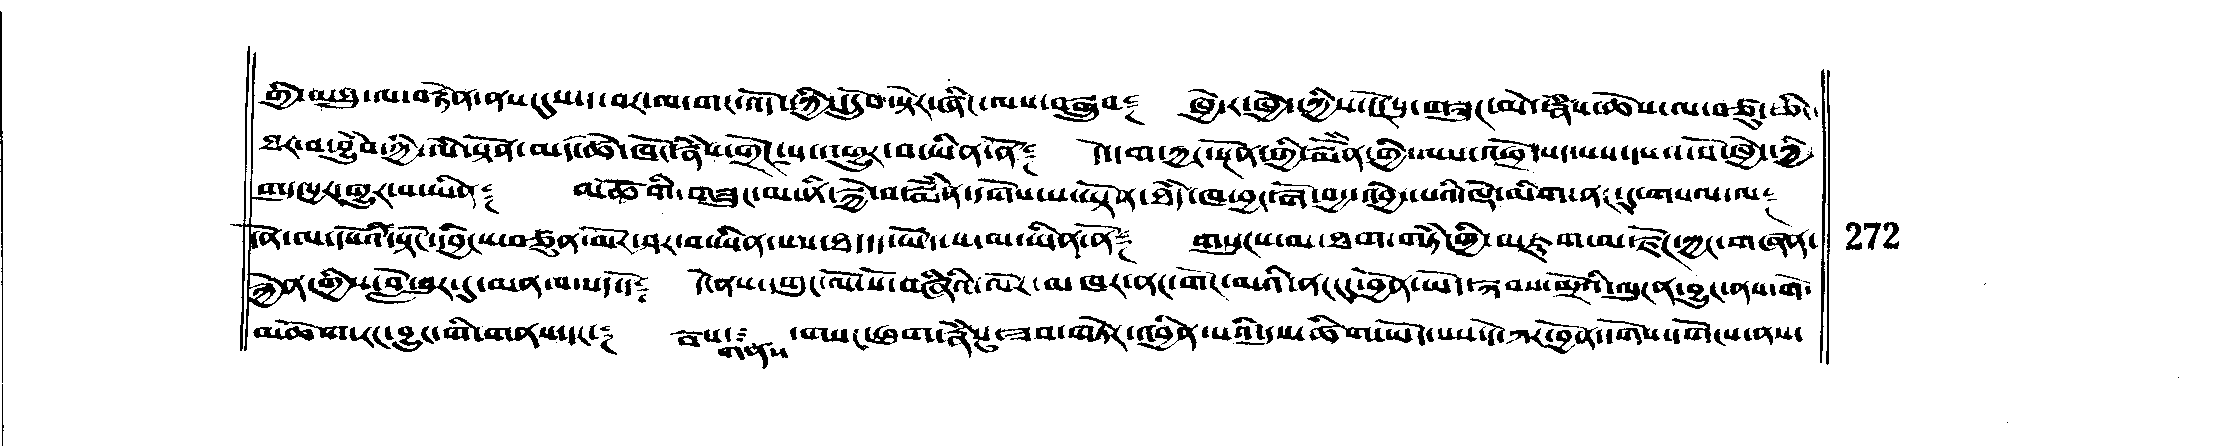གྱི་མཐུ་ལ་བརྟེན་ནས་དུས་ད་བར་ལ་གང་འདོད་ཀྱི་དངོས་གྲུབ་སྟེར་ཞིང་ལས་བསྒྲུབ། ཁྱད་པར་ཁྱེད་ཀྱིས་དངོས་སུ་གཟུགས་མེད་རྣམས་ཆོས་ལ་བཙུད་ཅིང་
ཐར་པ་བྱང་ཆུབ་ཀྱི་ལམ་སྟོན་མཛད་ཚེ་ཁོང་རྣམས་གྲོགས་སུ་འགྱུར་བ་ཡིན་ནོ། དེ་དག་ཀྱང་སྔོན་གྱི་སྨོན་ལམ་གྱི་ལས་འཕྲོ་སད་པས་དཔའ་བོ་ཁྱེད་ཀྱི་
གདུལ་བྱར་གྱུར་པ་ཡིན། མཆོག་གི་གཟུངས་མ་ནི་སྐྱེ་བ་སྨོན་ལམ་དགོས་པ་ཡོན་ཏན་ཐམས་ཅད་ཁ་བྱང་སྒོ་བརྒྱ་འབྱེད་པའི་ལྡེ་མིག་ནང་དུ་གསལ་ལ། 
དོན་ལ་དཔའ་བའི་སྟོང་དབྱིངས་བཙུན་མོར་ཤར་བ་ཡིན་པས་ཐ་དད་ཡོད་པ་མ་ཡིན་ནོ། གསུངས་མ་ཐག་གཏམ་གྱི་མཇུག་མ་རྫོགས་ཀྱང་གཞན་
རྐྱེན་གྱིས་གློ་བུར་དུ་མནལ་སད་དོ་། དེ་ནས་དགུང་ལོ་སོ་བཞིའི་ལོར་མཁར་ནང་གོང་མའི་ནང་དུ་བྱོན་ཡོད་སྐབས་མཁའ་འགྲོའི་ལུང་བསྟན་བྱུང་ནས་གོ་
མཆོག་རང་བྱུང་གི་གནས་དང་། སྦས་གནས་གསང་ཕུག་རྣམས་སུ་ཟབ་གཏེར་འབྱིན་པའི་དུས་ཚིག་ཡོད་པས་དེ་ཀར་བྱོན་དགོས་དགོངས་ནས་